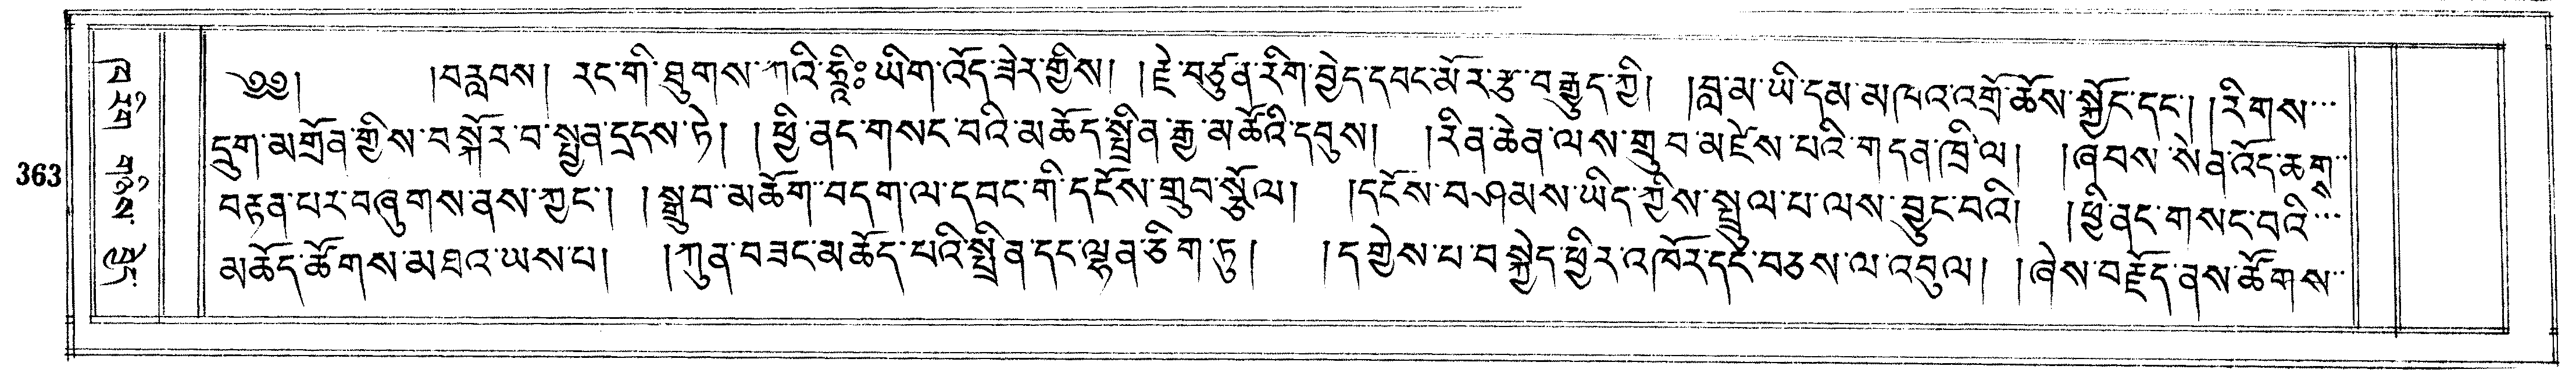༄༅། །བརླབས། རང་གི་ཐུགས་ཀའི་ཧྲཱིཿ ཡིག་འོད་ཟེར་གྱིས། །རྗེ་བཙུན་རིག་བྱེད་དབང་མོར་རྩ་བརྒྱུད་ཀྱི། །བླ་མ་ཡི་དམ་མཁའ་འགྲོ་ཆོས་སྐྱོང་དང་། །རིགས་
དྲུག་མགྲོན་གྱིས་བསྐོར་བ་སྤྱན་དྲངས་ཏེ། །ཕྱི་ནང་གསང་བའི་མཆོད་སྤྲིན་རྒྱ་མཚོའི་དབུས། །རིན་ཆེན་ལས་གྲུབ་མཛེས་པའི་གདན་ཁྲི་ལ། །ཞབས་སེན་འོད་ཆགས་
བརྟན་པར་བཞུགས་ནས་ཀྱང་། །སྒྲུབ་མཆོག་བདག་ལ་དབང་གི་དངོས་གྲུབ་སྩོལ། །དངོས་བཤམས་ཡིད་ཀྱིས་སྤྲུལ་པ་ལས་བྱུང་བའི། །ཕྱི་ནང་གསང་བའི་
མཆོད་ཚོགས་མཐའ་ཡས་པ། །ཀུན་བཟང་མཆོད་པའི་སྤྲིན་དང་ལྷན་ཅིག་ཏུ། །དགྱེས་པ་བསྐྱེད་ཕྱིར་འཁོར་དང་བཅས་ལ་འབུལ། །ཞེས་བརྗོད་ནས་ཚོགས་